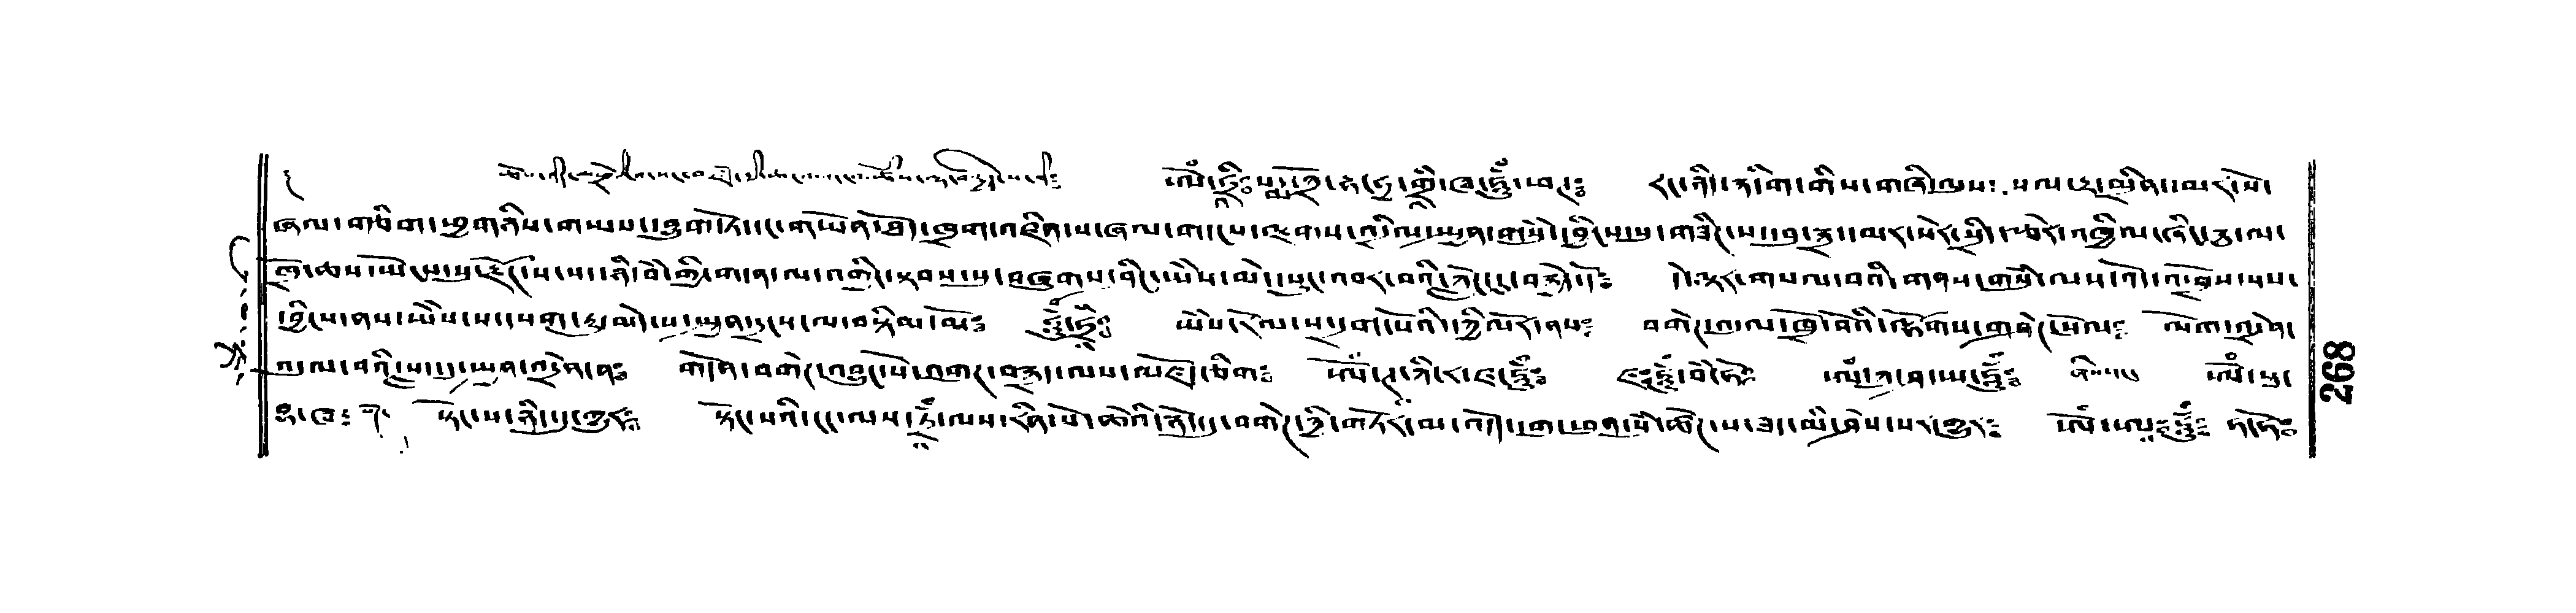ཆོས་ཉིད་མཁའ་འགྲོའི་གསང་མཛོད་ཀྱི་ཆ་ལག་མཚམས་ལྷ་བསྐྱེད་པ་ནི༔ ཨོཾ་ཧྲཱིཿཔདྨ་ཀྲོ་དྷ་ཧྱ་གྲཱི་ཝ་ཧཱུྃ་ཕཊ༔ རང་ཉིད་སྐད་ཅིག་གིས་གཞི་ལུས་དཔལ་རྟ་མགྲིན་དམར་པོ་
ཞལ་གཅིག་ཕྱག་གཉིས་གཡས་དབྱུག་ཏོ་དང་གཡོན་ཐོད་ཁྲག་འཛིན་པ་ཞལ་གདངས་ལྗགས་འདྲིལ་སྤྱན་གསུམ་དབྱིངས་སུ་གཟིགས་པ་དབུ་སྐྲ་དམར་སེར་སྲིད་རྩེར་འཁྱིལ་ཞིང་སྐུ་ལ་
ཁྲོ་ཆས་ཡོངས་སུ་རྫོགས་པ་པད་ཉི་བམ་གྱི་གདན་ལ་འགྱིང་སྟབས་སུ་བཞུགས་ཤིང་ཡེ་ཤེས་མེ་དཔུང་འབར་བའི་ཀློང་དུ་བསྐྱེད་དོ༔དེ་ལྟར་གསལ་བའི་གནས་གསུམ་ལས་འོད་འཕྲོས་པས་
དབྱིངས་ནས་ཡེ་ཤེས་པ་དཔག་ཏུ་མེད་པ་སྤྱན་དྲངས་ལ་བསྟིམ་མོ༔ ཧཱུྃ་ཧྲཱིཿ ཡེ་ཤེས་རོལ་པ་དྲག་པོའི་དཀྱིལ་འཁོར་ནས༔ བགེགས་འདུལ་ཁྲོ་བོའི་ལྷ་ཚོགས་གཤེགས་སུ་གསོལ༔ ལོག་འདྲེན་
འདུལ་བའི་སླད་དུ་སྤྱན་འདྲེན་ན༔ གདོན་བགེགས་འབྱུང་པོ་འགུགས་བསྐྲད་ལས་མཛོད་ཅིག༔ ཨོཾ་ཊཱ་ཀི་ར་ཛ་ཧཱུྃ༔ ཛཿཧཱུྃ་བམ་ཧོཿ ཨཾ་ཀུ་ཤ་ཡ་ཧཱུྃ༔ ཞེས་དང༔ ཨོཾ་སྭ་
བྷ་ཝ༴ སོགས༔ སྟོང་པ་ཉིད་དུ་གྱུར༔ སྟོང་པའི་ངང་ལས་ཏྲཱྃ་ལས་རིན་པོ་ཆེའི་སྣོད་དུ་བགེགས་ཀྱི་གཏོར་མ་འདོད་དགུ་ཕུན་སུམ་ཚོགས་པ་ཟད་མི་ཤེས་པར་གྱུར༔ ཨོཾ་ཨཱཿཧཱུྃ༔ ཧ་ཧོཿ